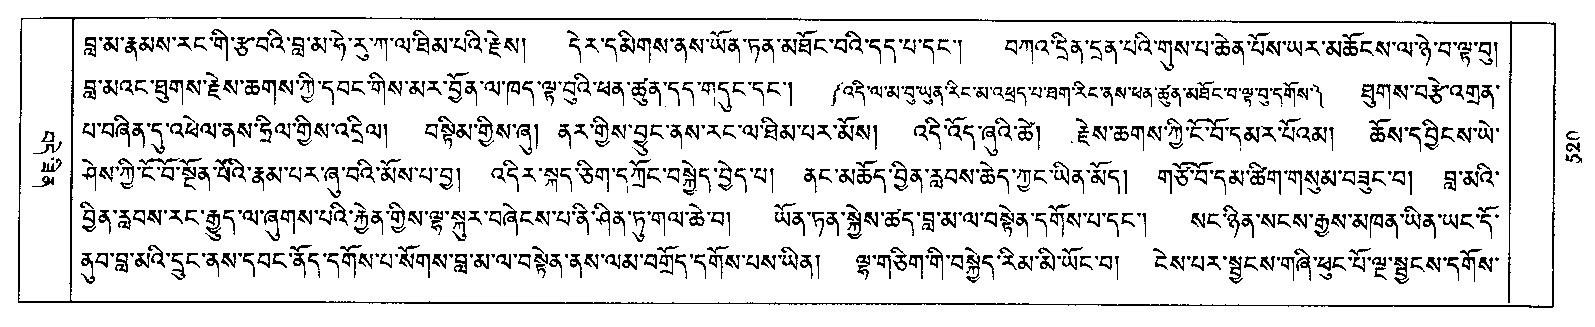བླ་མ་རྣམས་རང་གི་རྩ་བའི་བླ་མ་ཧེ་རུ་ཀ་ལ་ཐིམ་པའི་རྗེས། དེར་དམིགས་ནས་ཡོན་ཏན་མཐོང་བའི་དད་པ་དང་། བཀའ་དྲིན་དྲན་པའི་གུས་པ་ཆེན་པོས་ཡར་མཆོངས་ལ་ཉེ་བ་ལྟ་བུ།
བླ་མའང་ཐུགས་རྗེས་ཆགས་ཀྱི་དབང་གིས་མར་བྱོན་ལ་ཁད་ལྟ་བུའི་ཕན་ཚུན་དད་གདུང་དང་། འདི་ལ་མ་བུ་ཡུན་རིང་མ་འཕྲད་པ་ཐག་རིང་ནས་ཕན་ཚུན་མཐོང་བ་ལྟ་བུ་དགོས྄་ཐུགས་བརྩེ་འགྲན་
པ་བཞིན་དུ་འཕེལ་ནས་ཧྲིལ་གྱིས་འདྲིལ། བསྟིམ་གྱིས་ཞུ། ནར་གྱིས་བྱུང་ནས་རང་ལ་ཐིམ་པར་མོས། འདི་འོད་ཞུའི་ཚེ། རྗེས་ཆགས་ཀྱི་ངོ་བོ་དམར་པོའམ། ཆོས་དབྱིངས་ཡེ་
ཤེས་ཀྱི་ངོ་བོ་སྔོན་པོའི་རྣམ་པར་ཞུ་བའི་མོས་པ་བྱ། འདིར་སྐད་ཅིག་དཀྲོང་བསྐྱེད་བྱེད་པ། ནང་མཆོད་བྱིན་རླབས་ཆེད་ཀྱང་ཡིན་མོད། གཙོ་བོ་དམ་ཚིག་གསུམ་བཟུང་བ། བླ་མའི་
བྱིན་རླབས་རང་རྒྱུད་ལ་ཞུགས་པའི་རྐྱེན་གྱིས་ལྷ་སྐུར་བཞེངས་པ་ནི་ཤིན་ཏུ་གལ་ཆེ་བ། ཡོན་ཏན་སྐྱེས་ཚད་བླ་མ་ལ་བསྟེན་དགོས་པ་དང་། སང་ཉིན་སངས་རྒྱས་མཁས་ཡིན་ཡང་དོ་
ནུབ་བླ་མའི་དྲུང་ནས་དབང་ནོད་དགོས་པ་སོགས་བླ་མ་ལ་བསྟེན་ནས་ལམ་བགྲོད་དགོས་པས་ཡིན། ལྷ་གཅིག་གི་བསྐྱེད་རིམ་མི་ཡོང་བ། ངེས་པར་སྦྱངས་གཞི་ཕུང་པོ་ལྔ་སྦྱངས་དགོས་